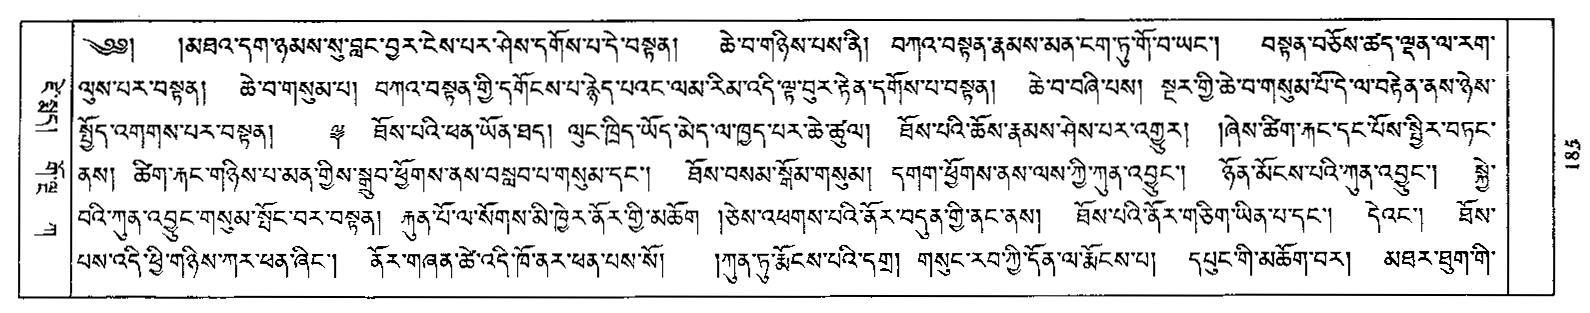༄༅། །མཐའ་དག་ཉམས་སུ་བླང་བྱར་ངེས་པར་ཤེས་དགོས་པ་དེ་བསྟན། ཆེ་བ་གཉིས་པས་ནི། བཀའ་བསྟན་རྣམས་མན་ངག་ཏུ་གོ་བ་ཡང་། བསྟན་བཅོས་ཚད་ལྡན་ལ་རག་
ལུས་པར་བསྟན། ཆེ་བ་གསུམ་པ། བཀའ་བསྟན་གྱི་དགོངས་པ་རྙེད་པའང་ལམ་རིམ་འདི་ལྟ་བུར་རྟེན་དགོས་པ་བསྟན། ཆེ་བ་བཞི་པས། སྔར་གྱི་ཆེ་བ་གསུམ་པོ་དེ་ལ་བརྟེན་ནས་ཉེས་
སྤྱོད་འགགས་པར་བསྟན། ༈ ཐོས་པའི་ཕན་ཡོན་ཐད། ལུང་ཁྲིད་ཡོད་མེད་ལ་ཁྱད་པར་ཆེ་ཚུལ། ཐོས་པའི་ཆོས་རྣམས་ཤེས་པར་འགྱུར། །ཞེས་ཚིག་རྐང་དང་པོས་སྤྱིར་བཏང་
ནས། ཚིག་རྐང་གཉིས་པ་མན་གྱིས་སྒྲུབ་ཕྱོགས་ནས་བསླབ་པ་གསུམ་དང་། ཐོས་བསམ་སྒོམ་གསུམ། དགག་ཕྱོགས་ནས་ལས་ཀྱི་ཀུན་འབྱུང་། ཉོན་མོངས་པའི་ཀུན་འབྱུང་། སྐྱེ་
བའི་ཀུན་འབྱུང་གསུམ་སྤོང་བར་བསྟན། རྐུན་པོ་ལ་སོགས་མི་ཁྱེར་ནོར་གྱི་མཆོག །ཅེས་འཕགས་པའི་ནོར་བདུན་གྱི་ནང་ནས། ཐོས་པའི་ནོར་གཅིག་ཡིན་པ་དང་། དེའང་། ཐོས་
པས་འདི་ཕྱི་གཉིས་ཀར་ཕན་ཞིང་། ནོར་གཞན་ཚེ་འདི་ཁོ་ནར་ཕན་པས་སོ། །ཀུན་ཏུ་རྨོངས་པའི་དགྲ། གསུང་རབ་ཀྱི་དོན་ལ་རྨོངས་པ། དཔུང་གི་མཆོག་བར། མཐར་ཐུག་གི་